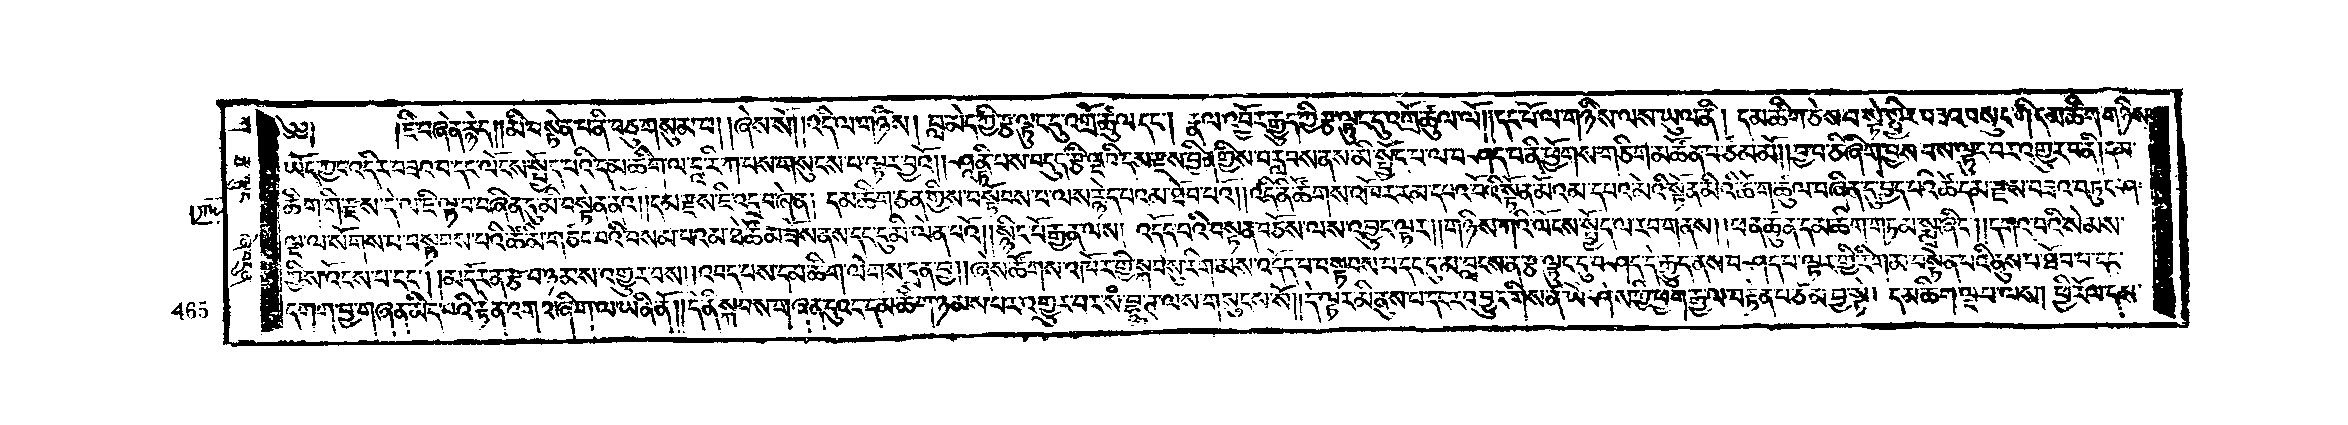༄༅། །ཇི་བཞེན་རྙེད། །མི་བསྟེན་པ་ནི་བཅུ་གསུམ་པ། །ཞེས་སོ། །འདི་ལ་གཉིས། བླ་མེད་ཀྱི་རྩ་ལྟུང་དུ་འགྲོ་ཚུལ་དང་། རྣལ་འབྱོར་རྒྱུད་ཀྱི་རྩ་ལྟུང་དུ་འགྲོ་ཚུལ་ལོ། །དང་པོ་ལ་གཉིས་ལས་ཡུལ་ནི། དམ་ཚིག་ཅེས་བ་སྟེ་སྤྱིར་བཟའ་བསུང་གི་དམ་ཚིག་གཉིས་
ཡོད་ཀྱང་འདིར་བཟའ་བ་དང་ལོངས་སྤྱོད་པའི་དམ་ཚིག་ལ་ངཱ་རི་ཀ་པས་གསུངས་པ་ལྟར་བྱའོ། །ཤཱནྟི་པས་བདུད་རྩི་ལྔའི་དམ་རྫས་བྱིན་གྱིས་བརླབས་ནས་མི་སྤྱོད་པ་ལ་བཤད་པ་ནི་ཕྱོགས་གཅིག་མཚོན་པ་ཙམ་མོ། །བྱ་བ་ཅི་ཞིག་བྱས་བས་ལྟུང་བར་འགྱུར་པ་ནི། དམ་
ཚིག་གི་རྫས་དེ་ལ་ཇི་ལྟ་བ་བཞིན་དུ་མི་བསྟེན་ནའོ། །དམ་རྫས་ཇི་འདྲ་བ་ཞེ་ན། དམ་ཚིག་ཅན་གྱིས་བསྟོབས་པ་ལས་རྙེད་པའམ་ཐོབ་པའོ། །འདི་ནི་ཚོགས་འཁོར་རམ་དཔའ་བོའི་སྟོན་མོའམ་དཔའ་མེའི་སྟོན་མིའི་ཚེ་ག་ཚུལ་བཞིན་དུ་བྱེད་པའི་ཚེ་དམ་རྫས་བཟའ་བཏུང་ཤ་
ལྔ་ལ་སོགས་པ་བསྟབས་པའི་ཚེ་མི་གཙང་བའི་བསམ་པའམ་ཐེ་ཚོམ་ཟོས་ནས་དང་དུ་མི་ལེན་པའོ། །སྙིང་པོ་རྒྱན་ལས། འདོད་པའི་བསྟན་བཅོས་ལས་འབྱུང་ལྟར། །གཉིས་ཀའི་ལོངས་སྤྱོད་ལ་རབ་གནས། །ཕན་ཚུན་དམ་ཚིག་གཏམ་སྨྲ་ཞིང་། །དགའ་བའི་སེམས་
ཀྱིས་འོངས་པ་དང་། །མདོར་ན་རྩ་བ་ཉམས་འགྱུར་བས། །འབད་པས་དམ་ཚིག་ལེགས་དྲན་བྱ། །ཞེས་ཚོགས་འཁོར་གྱི་སྐབས་སུ་རིག་མས་འདོད་པ་བསྟབས་པ་དང་དུ་མ་བླངས་ན་རྩ་ལྟུང་དུ་བཤད་དེ་རྒྱུད་ནས་བཤད་པ་ལྟར་གྱི་རིག་མ་བསྟེན་པའི་ནུས་པ་ཐོབ་པ་དང་
དགག་བྱ་གཞན་མིད་པའི་རྟེན་འགའ་ཞིག་ལ་ཡིན་ནོ། །དེ་ནི་སྐབས་གཞན་དུའང་དམ་ཚིག་ཉམས་པར་འགྱུར་བར་སཾ་བྷཱུ་ཊ་ལས་གསུངས་སོ། །དེ་ལྟར་མི་ནུས་པ་དང་རབ་བྱུང་གིས་ན་ཡེ་ཤེས་ཀྱི་ཕྱག་རྒྱ་ལ་བརྟེན་པ་ཅོམ་བྱ་སྟེ། དམ་ཚིག་ལྔ་པ་ལས། ཕྱི་རོལ་དམ་